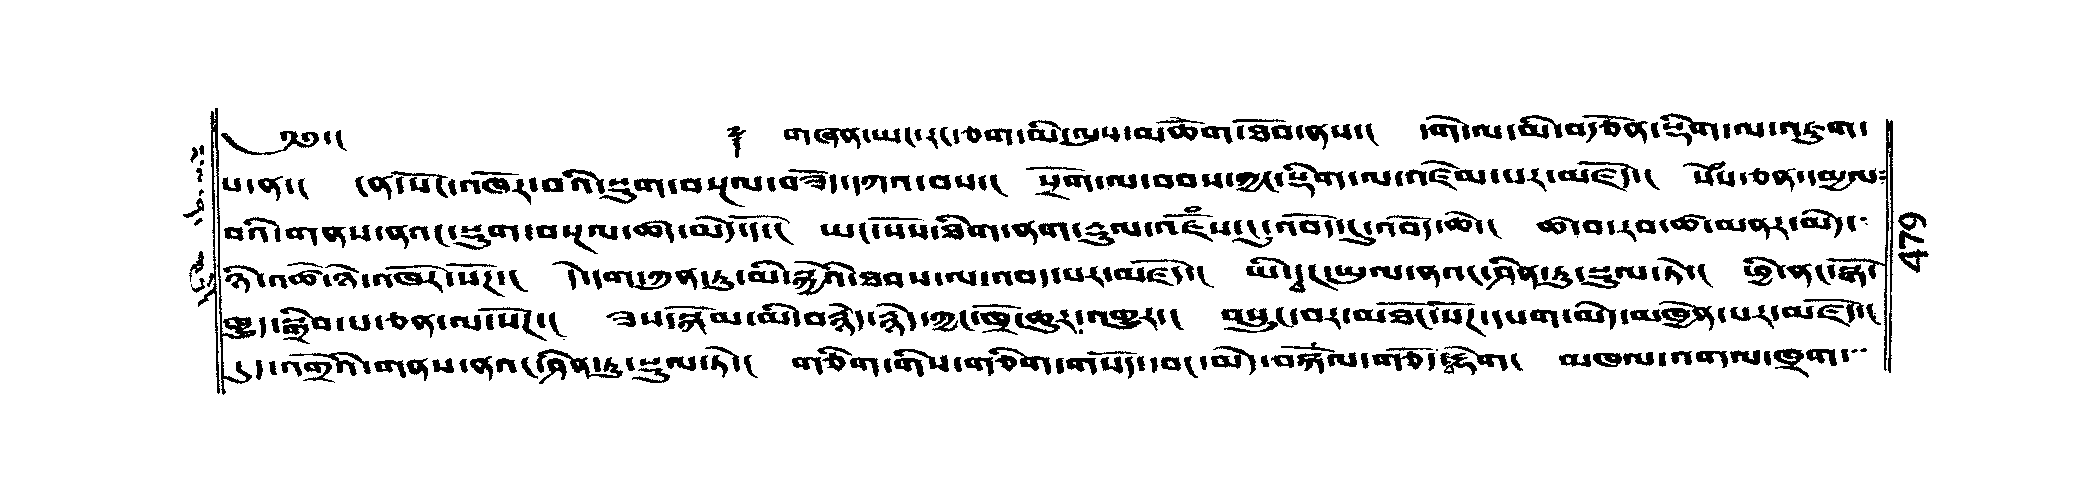།གཞན་ཡང་རང་ཅག་མི་ལུས་མཆོག་ཐོབ་ནས། །དགེ་ལ་མི་བརྩོན་སྡིག་ལ་འཇུག་
པ་ན། །ངན་སོང་འཁོར་བའི་སྡུག་བསྔལ་བཟོད་དཀའ་བས། །སྲོག་ལ་བབས་ཀྱང་སྡིག་ལ་འཛེམ་པར་མཛོད། །སེམས་ཅན་དམྱལ་
བའི་གནས་ནའང་སྡུག་བསྔལ་ཚད་མེད་དོ། །ཡང་སོས་ཐིག་ནག་བསྡུས་འཇོམས་ངུ་འབོད་ངུ་འབོད་ཆེ། །ཚ་བ་རབ་ཚ་མནར་མེད་
ཉི་འཚེ་ཉེ་འཁོར་སོགས། དེ་དག་ལྷུན་ཏུ་མི་སྐྱེའི་ཐབས་ལ་འབོད་པར་མཛོད། ཡི་དྭགས་སུལ་ནའང་ཤིན་ཏུ་སྡུག་བསྔལ་ཏེ། ཕྱི་ནང་སྒོས་
ཁུར་སྒྲིབ་པ་ཅན་ལ་སོགས། །ཟས་སྐོམ་མི་བརྙེད་བརྙེད་ཀྱང་ཁྲོ་ཆུར་འགྱུར། །བསྲུང་བར་མཐོང་སོགས་དཔག་མེད་མཁྱེན་པར་མཛོད། །
དུད་འགྲོའི་གནས་ནའང་ཤིན་ཏུ་སྡུག་བསྔལ་ཏེ། །གཅིག་གིས་གཅིག་གསོད་དབང་མེད་བཀོལ་སྤྱོད་བརྡེག །མཁལ་འགེལ་ཁྲག་